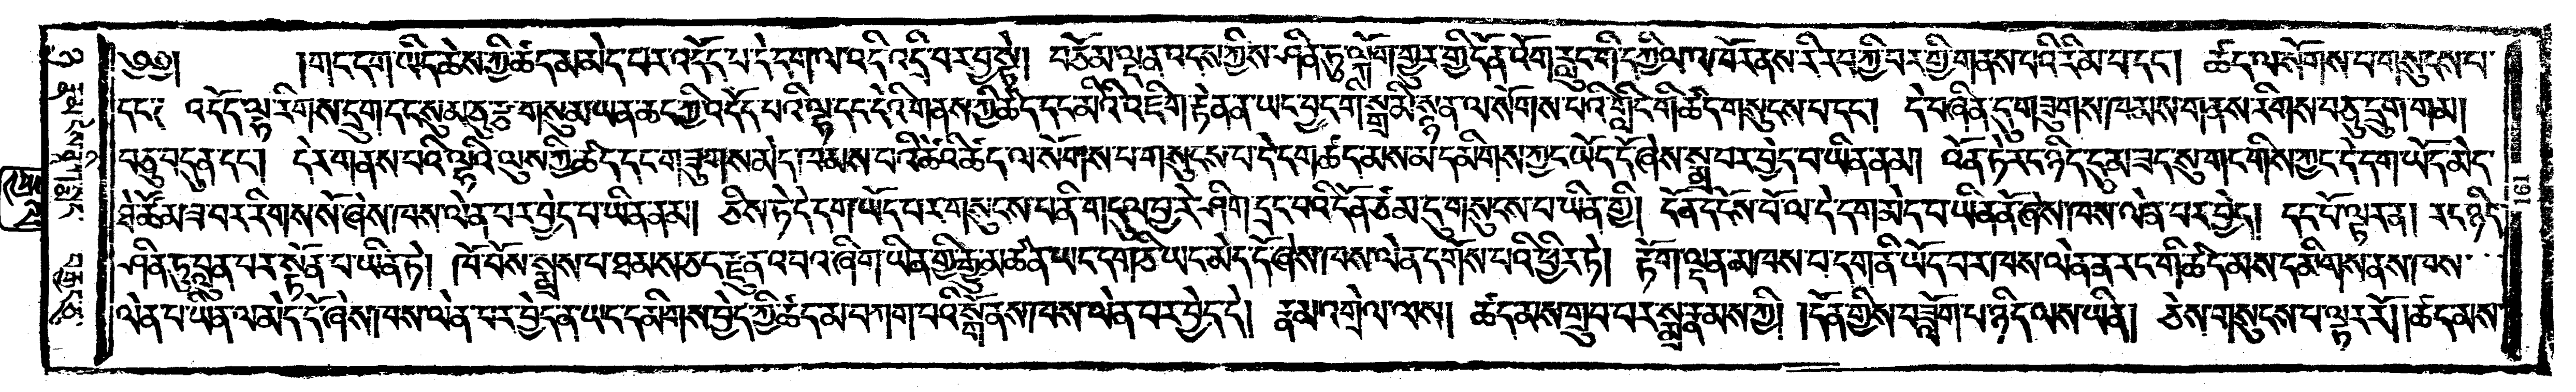༄༅། །གང་དག་ཡིད་ཆེས་ཀྱི་ཚད་མ་མེད་པར་འདོད་པ་དེ་དག་ལ་འདི་འདྲི་བར་བྱ་སྟེ། བཅོམ་ལྡན་འདས་ཀྱིས་ཤིན་ཏུ་ལྐོག་གྱུར་གྱི་དོན་འོག་རླུང་གི་དཀྱིལ་འཁོར་ནས་རི་རབ་ཀྱི་བར་གྱི་གནས་པའི་རིམ་པ་དང་། ཚད་ལ་སོགས་པ་གསུངས་པ་
དང༑ འདོད་ལྷ་རིགས་དྲུག་དང་སུམ་ཅུ་རྩ་གསུམ་ཡན་ཆང་ཀྱི་འདོད་པའི་ལྷ་དང་དེའི་གནས་ཀྱི་ཚད་དང་མིའི་འཇིག་རྟེན་ན་ཡང་བྱང་གི་སྒྲ་མི་སྙན་ལ་སོགས་པའི་གླིང་གི་ཚད་གསུངས་པ་དང་། དེ་བཞིན་དུ་གཟུགས་ཁམས་གནས་རིགས་བཅུ་དྲུག་གམ།
བཅུ་བདུན་དང་། དེར་གནས་པའི་ལྷའི་ལུས་ཀྱི་ཚད་དང་གཟུགས་མེད་ཁམས་བའི་ཚེའི་ཚིད་ལ་སོགས་པ་གསུངས་པ་དེ་དག་ཚད་མས་མ་དམིགས་ཀྱང་ཡོད་དོ་ཞེས་སྨྲ་པར་བྱེད་བ་ཡིན་ནམ། འོན་ཏེ་རང་ཉིད་དུ་མ་ཟད་སུ་གང་གིས་ཀྱང་དེ་དག་ཡོད་མེད་
ཐེ་ཚོམ་ཟ་བར་རིགས་སོ་ཞེས་ཁས་ལེན་པར་བྱེད་པ་ཡིན་ནམ། ཅིས་ཏེ་དེ་དག་ཡོད་པར་གསུངས་པ་ནི་གདུལ་བྱ་རེ་ཤིག་དྲང་བའི་དོན་ཙམ་དུ་གསུངས་པ་ཡིན་གྱི། དོན་དངོས་པོ་ལ་དེ་དག་མེད་པ་ཡིན་ནོ་ཞེས་ཁས་ལེན་པར་བྱེད། དང་པོ་ལྟར་ན། རང་ཉིད་
ཤིན་ཏུ་བླུན་པར་སྟོན་པ་ཡིན་ཏེ། ཁོ་བོས་སྨྲས་པ་ཐམས་ཅད་རྫུན་འབའ་ཞིག་ཡིན་གྱི་རྒྱུ་མཚན་ཡང་དག་ཅི་ཡང་མེད་དོ་ཞེས་ཁས་ལེན་དགོས་པའི་ཕྱིར་ཏེ། རྟོག་ལྡན་མཁས་པ་དག་ནི་ཡོད་བར་ཁས་ལེན་ན་རང་གི་ཚད་མས་དམིགས་ནས་ཁས་
ལེན་པ་ཡིན་ལ་མེད་དོ་ཞེས་ཁས་ལེན་པར་བྱེད་ན་ཡང་དམིགས་བྱེད་ཀྱི་ཚད་མ་བཀག་པའི་སྒོ་ནས་ཁས་ལེན་བར་བྱེད་དེ། རྣམ་འགྲེལ་ལས། ཚད་མས་གྲུབ་པར་སྨྲ་རྣམས་ཀྱི། །དོན་གྱིས་བཟློག་པ་ཉིད་ལས་ཡིན། ཅེས་གསུངས་པ་ལྟར་རོ། །ཚད་མས་